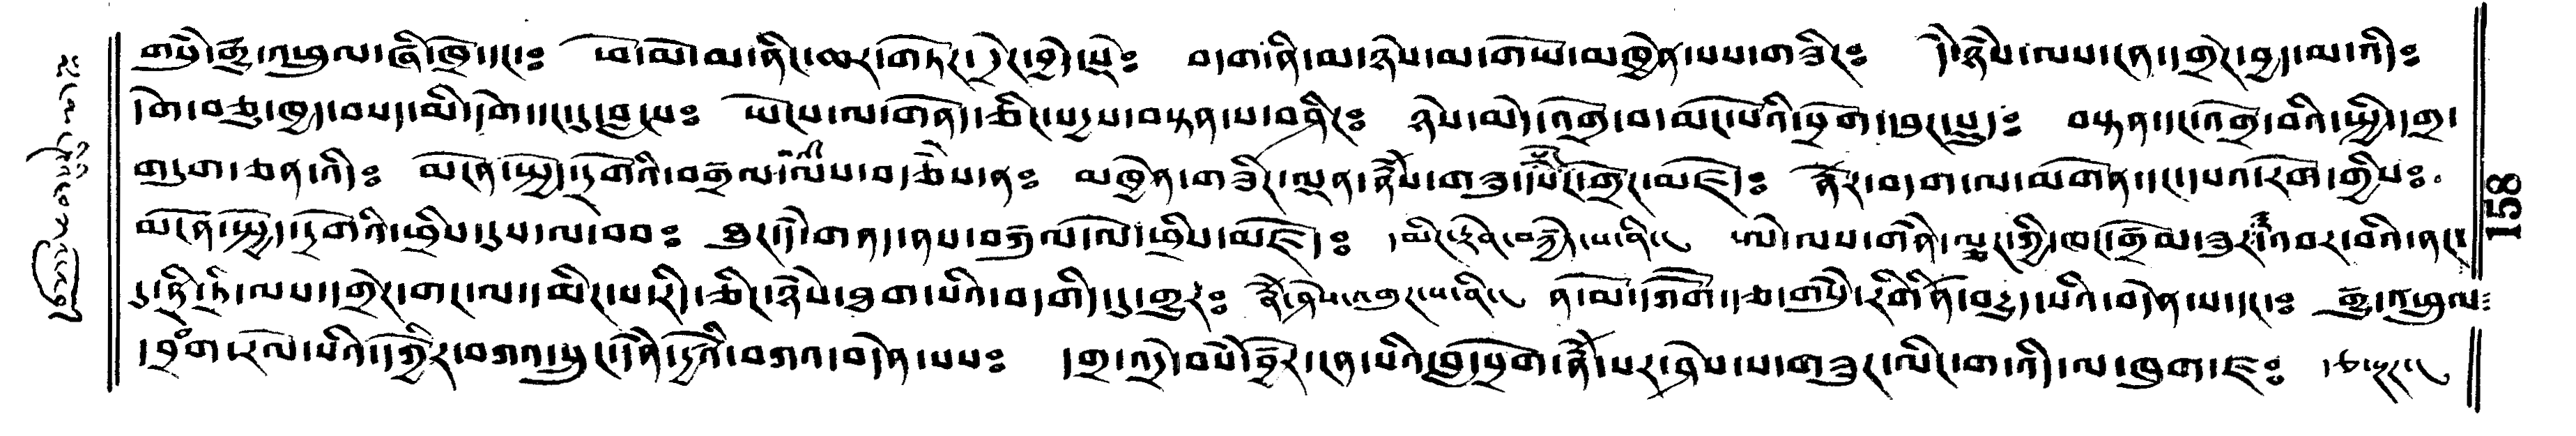གསུམ་སྒྱུ་འཕྲུལ་ཞི་ཁྲོ་དང༔ ཕོ་མོ་མ་ནིང་ཆར་གཏོགས་དྲེགས་བྱེད་སྡེ༔ བདག་ནི་མ་ཉེས་མ་གཡོ་མཁྱེན་པས་གཟིགས༔ དམ་ཉམས་ལས་ངན་དགྲ་བགེགས་བྱད་མ་འདི༔ 
དགེ་བཅུ་ཁྱད་གསོད་མི་དགེ་དང་དུ་ལེན༔ ཡོངས་ལ་གནོད་ཅིང་སངས་རྒྱས་བསྟན་པ་བཤིགས༔ ཉེས་མེད་འགྲོ་བ་མང་པོའི་སྲོག་དབུགས་སྡུད༔ བསྟན་དང་འགྲོ་བའི་སྤྱི་དགྲ་
གདུག་ཅན་འདི༔ མངོན་སྤྱོད་དྲག་པོས་བསྒྲལ་བའི་ལས་བརྩམས་ན༔ མཁྱེན་གཟིགས་ལྡན་རྣམས་གཟུ་དཔང་སྡོ་གྲོགས་མཛོད། རྣལ་འབྱོར་བདག་ལ་མགོན་དང་དཔའ་རོགས་ཀྱིས༔ 
མངོན་སྤྱོད་དྲག་པོའི་ཕྲིན་ལས་དུས་ལ་བབ༔ ཐུགས་དམ་གནད་ནས་བསྐུལ་ལོ་ཕྲིན་ལས་མཛོད༔ དམིགས་རྟེན་བསྐྱེད་པ་ནི། ཨེ་ལས་གནམ་ལྕགས་ཀྱི་ཁང་སྒྲོམ་ཟུར་གསུམ་འབར་བའི་ནང་
དུ་ནྲྀ་ཏྲི་ལས་དགྲ་བགེགས་གང་ལ་དམིགས་པ་རིད་ཅིང་ཉམས་ཐག་པའི་བདག་ཉིད་དུ་གྱུར༔ རྣམ་ཤེས་འགུགས་པ་ནི། ན་མོ་དཀོན་མཆོག་རྩ་གསུམ་རིག་འཛིན་བརྒྱུད་པའི་བདེན་པ་དང༔ སྒྱུ་འཕྲུལ་
དབང་དྲག་རོལ་པའི་དཀྱིལ་འཁོར་བཀའ་སྲུང་དོན་ནམ་རྒྱ་མཚོའི་བཀའ་བདེན་པས༔ དགྲ་འདྲེ་བསམ་སྦྱོར་ངན་པའི་བླ་སྲོག་རྣམ་པར་ཤེས་པ་གཟུགས་ལིང་ག་འདི་ལ་ཁུག་ཛ༔ རྩ་སྔགས།